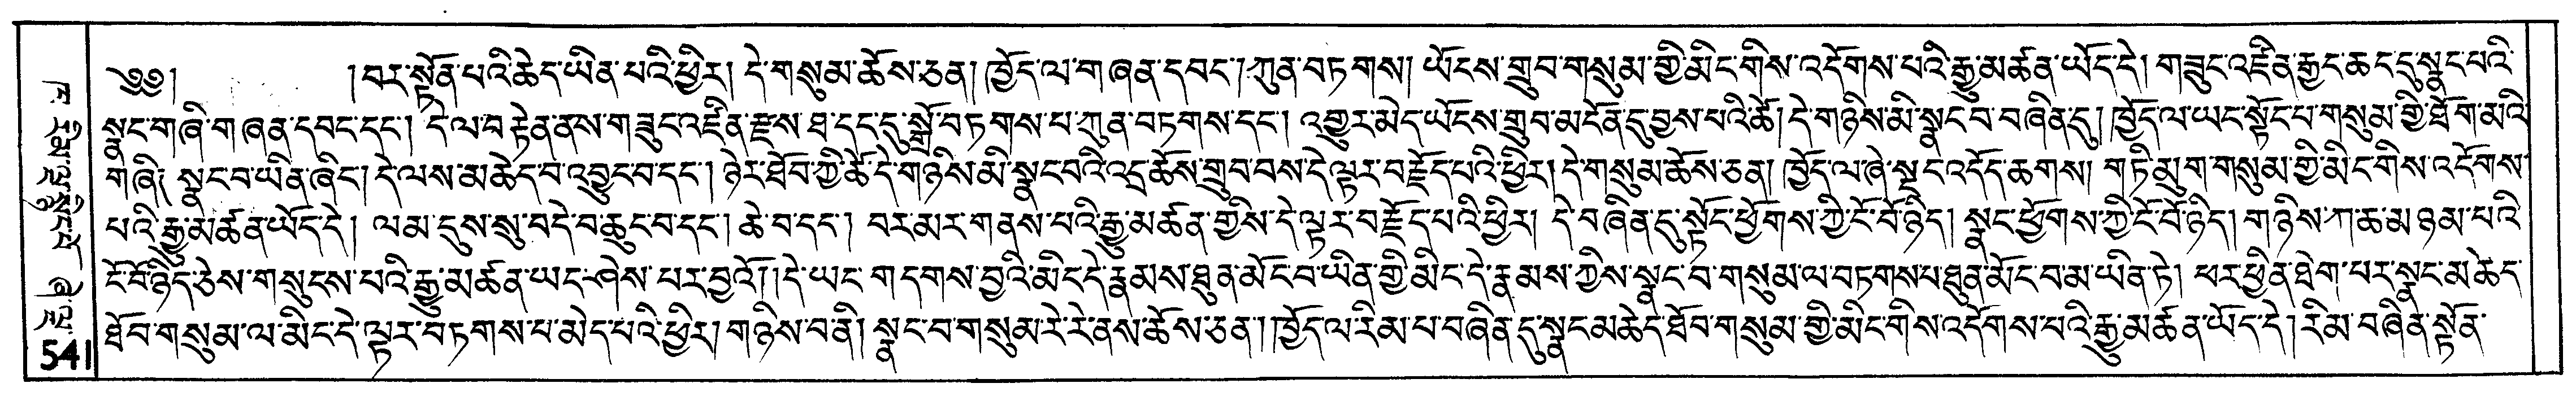༄༅། །བར་སྟོན་པའི་ཆེད་ཡིན་པའི་ཕྱིར། དེ་གསུམ་ཆོས་ཅན། ཁྱོད་ལ་གཞན་དབང་། ཀུན་བཏགས། ཡོངས་གྲུབ་གསུམ་གྱི་མིང་གིས་འདོགས་པའི་རྒྱུ་མཚན་ཡོད་དེ། གཟུང་འཛིན་རྒྱང་ཆང་དུ་སྣང་བའི་
སྣང་གཞི་གཞན་དབང་དང་། དེ་ལ་བརྟེན་ནས་གཟུང་འཛིན་རྫས་ཐ་དང་དུ་སྒྲོ་བཏགས་པ་ཀུན་བཏགས་དང་། འགྱུར་མེད་ཡོངས་གྲུབ་མངོན་དུ་བྱས་པའི་ཚེ། དེ་གཉིས་མི་སྣང་བ་བཞིན་དུ། ཁྱོད་ལ་ཡང་སྟོང་པ་གསུམ་གྱི་ཐོག་མའི་
གཞི༑ སྣང་བ་ཡིན་ཞིང་། དེ་ལས་མཆེད་བ་འབྱུང་བ་དང་། ཉེར་ཐོབ་ཀྱི་ཚེ་དེ་གཉིས་མི་སྣང་བའི་འདྲ་ཆོས་གྲུབ་བས་དེ་ལྟར་བརྗོད་པའི་ཕྱིར། དེ་གསུམ་ཆོས་ཅན། ཁྱོད་ལ་ཞེ་སྡང་འདོད་ཆགས། གཏི་མུག་གསུམ་གྱི་མིང་གིས་འདོགས་
པའི་རྒྱུ་མཚན་ཡོད་དེ། ལམ་དུས་སུ་བདེ་བ་ཆུང་བ་དང་། ཆེ་བ་དང་། བར་མར་གནས་པའི་རྒྱུ་མཚན་གྱིས་དེ་ལྟར་བརྗོད་པའི་ཕྱིར། དེ་བཞིན་དུ་སྟོང་ཕྱོགས་ཀྱི་ངོ་བོ་ཉིད། སྣང་ཕྱོགས་ཀྱི་ངོ་བོ་ཉིད། གཉིས་ཀ་ཆ་མཉམ་པའི་
ངོ་བོ་ཉིད་ཅེས་གསུངས་པའི་རྒྱུ་མཚན་ཡང་ཤེས་པར་བྱའོ། །དེ་ཡང་གདགས་བྱའི་མིང་དེ་རྣམས་ཐུན་མོང་བ་ཡིན་གྱི་མིང་དེ་རྣམས་ཀྱིས་སྣང་བ་གསུམ་ལ་བཏགས་པ་ཐུན་མོང་བ་མ་ཡིན་ཏེ། ཕར་ཕྱིན་ཐེག་པར་སྣང་མཆེད་
ཐོབ་གསུམ་ལ་མིང་དེ་ལྟར་བཏགས་པ་མེད་པའི་ཕྱིར། གཉིས་བ་ནི། སྣང་བ་གསུམ་རེ་རེ་ནས་ཆོས་ཅན། ཁྱོད་ལ་རིམ་པ་བཞིན་དུ་སྣང་མཆེད་ཐོབ་གསུམ་གྱི་མིང་གིས་འདོགས་པའི་རྒྱུ་མཚན་ཡོད་དེ། རིམ་བཞིན་སྟོན་